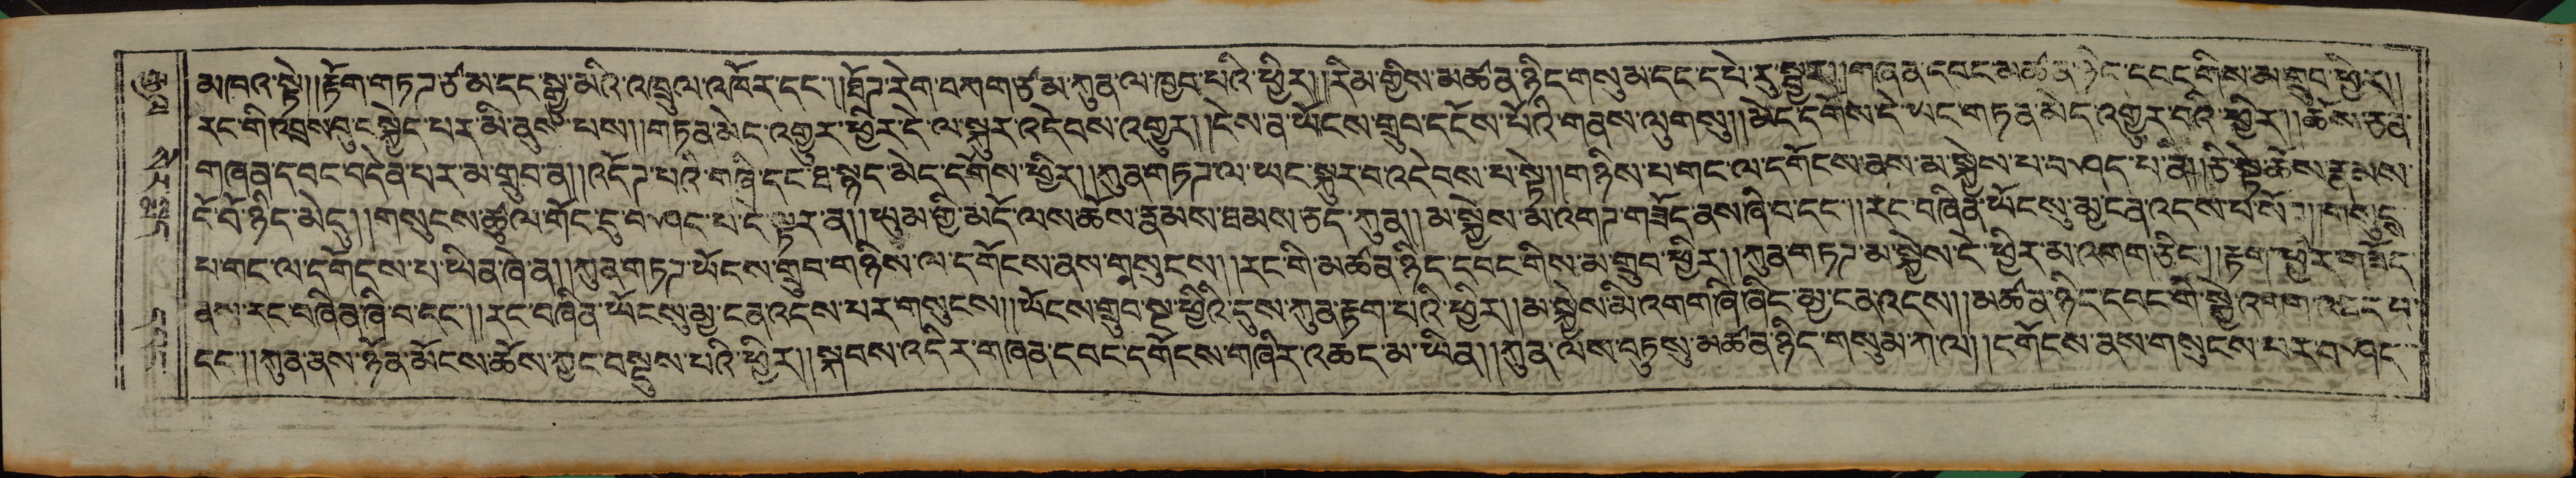མཁའ་སྟེ། །རྟོག་གཏགས་ཙམ་དང་སྒྱུ་མའི་འཁྲུལ་འཁོར་དང་། །ཐོགས་རེག་བཀག་ཙམ་ཀུན་ལ་ཁྱབ་པའི་ཕྱིར། །རིམ་གྱིས་མཚན་ཉིད་གསུམ་དང་དཔེ་རུ་སྦྱར། །གཞན་དབང་མཚན་ཉིད་དབང་གིས་མ་གྲུབ་ཕྱིར། །
རང་གི་འབྲས་བུ་བསྐྱེད་པར་མི་ནུས་པས། །གཏན་མེད་འགྱུར་ཕྱིར་དེ་ལ་སྐུར་འདེབས་འགྱུར། །དེས་ན་ཡོངས་གྲུབ་དངོས་པོའི་གནས་ལུགས་སུ། །མེད་དགོས་དེ་ཡང་གཏན་མེད་འགྱུར་བའི་ཕྱིར། །ཆོས་ཅན་
གཞན་དབང་བདེན་པར་མ་གྲུབ་ན། །འདོགས་པའི་གཞི་དང་ཐ་སྙད་མེད་དགོས་ཕྱིར། །ཀུན་གཏགས་ལ་ཡང་སྐུར་བ་འདེབས་པ་སྟེ། །གཉིས་པ་གང་ལ་དགོངས་ནས་མ་སྐྱེས་པ་བཤད་པ་ནི། །ཅི་སྟེ་ཆོས་རྣམས་
ངོ་བོ་ཉིད་མེད་དུ། །གསུངས་ཚུལ་གོང་དུ་བཤད་པ་དེ་ལྟར་ན། །ཡུམ་གྱི་མདོ་ལས་ཆོས་རྣམས་ཐམས་ཅད་ཀུན། །མ་སྐྱེས་མ་འགགས་གཟོད་ནས་ཞི་བ་དང་། །རང་བཞིན་ཡོངས་སུ་མྱ་ངན་འདས་པ་སོགས། །གསུངས་
པ་གང་ལ་དགོངས་པ་ཡིན་ཞེ་ན། །ཀུན་གཏགས་ཡོངས་གྲུབ་གཉིས་ལ་དགོངས་ནས་གསུངས། །རང་གི་མཚན་ཉིད་དབང་གིས་མ་གྲུབ་ཕྱིར། །ཀུན་གཏགས་མ་སྐྱེས་དེ་ཕྱིར་མ་འགག་ཅིང་། །རྟག་ཕྱིར་གཟོད་
ནས་རང་བཞིན་ཞི་བ་དང་། །རང་བཞིན་ཡོངས་སུ་མྱ་ངན་འདས་པར་གསུངས། །ཡོངས་གྲུབ་སྔ་ཕྱིའི་དུས་ཀུན་རྟག་པའི་ཕྱིར། །མ་སྐྱེས་མི་འགག་ཞི་ཞིང་མྱ་ངན་འདས། །མཚན་ཉིད་དབང་གི་གིས་སྐྱེ་འགག་འཐད་པ་
དང་། །ཀུན་ནས་ཉོན་མོངས་ཆོས་ཀྱང་བསྡུས་པའི་ཕྱིར། །སྐབས་འདིར་གཞན་དབང་དགོངས་གཞིར་འཆད་མ་ཡིན། །ཀུན་ལས་བཏུས་སུ་མཚན་ཉིད་གསུམ་ཀ་ལ། །དགོངས་ནས་གསུངས་པར་བཤད་